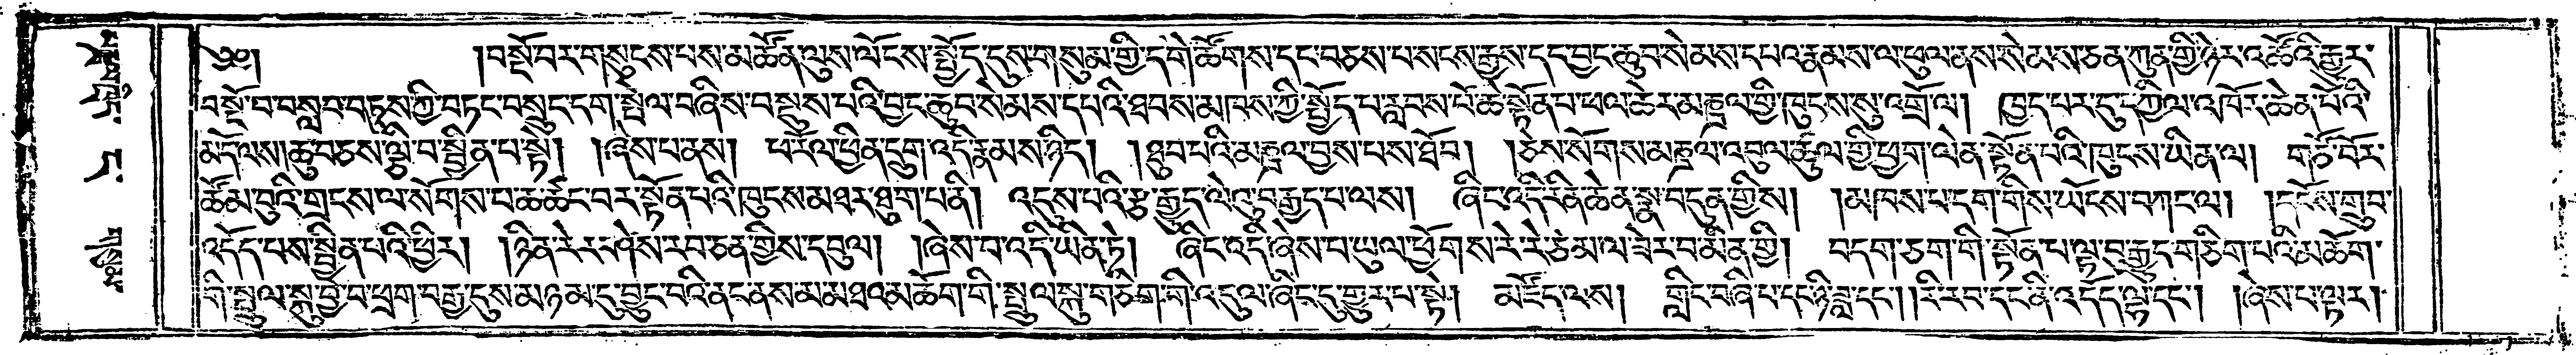༄༅། །བསྔོ་བར་གསུངས་པས་མཚོན་ལུས་ལོངས་སྤྱོད་དུས་གསུམ་གྱི་དགེ་ཚོགས་དང་བཅས་པ་སངས་རྒྱས་དང་བྱང་ཆུབ་སེམས་དཔའ་རྣམས་ལ་ཕུལ་ནས་སེམས་ཙན་ཀུན་གྱི་ཉེར་འཚོའི་རྒྱུར་
བསྔོ་བ་བསླབ་བཏུས་ཀྱི་བཏང་བསྲུང་དག་སྤེལ་བཞིས་བསྡུས་པའི་བྱང་ཆུབ་སེམས་དཔའི་ཐབས་མཁས་ཀྱི་སྤྱོད་པ་རླབས་པོ་ཆེ་སྟོན་པ་ཕལ་ཆེར་མཎྜལ་གྱི་ཁུངས་སུ་འགྲོ་ལ། ཁྱད་པར་དུ་དཀྱིལ་འཁོར་ཆེན་པོའི་
མདོ་ལས། ཆུ་བཅས་ལྕི་བ་སྦྱིན་པ་སྟེ། །ཞེས་པ་ནས། ཕ་རོལ་ཕྱིན་དྲུག་འདི་རྣམས་ཉིད། །ཐུབ་པའི་མཎྜལ་བྱས་པས་ཐོབ། །ཅེས་སོགས་མཎྜལ་འབུལ་ཚུལ་གྱི་ཕྱག་ལེན་སྟོན་པའི་ཁུངས་ཡིན་ལ། གཙོ་བོར་
ཚོམ་བུའི་གྲངས་ལ་སོགས་པ་ཆ་ཚང་བར་སྟོན་པའི་ཁུངས་མཐར་ཐུག་པ་ནི། འདུས་པའི་རྩ་རྒྱུད་ལེའུ་བརྒྱད་པ་ལས། ཞིང་འདི་རིན་ཆེན་སྣ་བདུན་གྱིས། །མཁས་པ་དག་གིས་ཡོངས་བཀང་ལ། །དངོས་གྲུབ་
འདོད་པས་སྦྱིན་པའི་ཕྱིར། །ཉིན་རེར་ཤེས་རབ་ཅན་གྱིས་དབུལ། །ཞེས་པ་འདི་ཡིན་ཏེ། ཞིང་འདི་ཞེས་པ་ཡུལ་ཕྱོགས་རེ་རེ་ཙམ་ལ་ཟེར་བ་མིན་གྱི། བདག་ཅག་གི་སྟོན་པ་ལྟ་བུ་རྒྱུད་གཅིག་པའི་མཆོག་
གི་སྤྲུལ་སྐུ་བྱེ་བ་ཕྲག་བརྒྱ་དུས་མཉམ་དུ་བྱུང་བའི་ནང་ནས་མ་མཐའ་མཆོག་གི་སྤྲུལ་སྐུ་གཅིག་གི་འདུལ་ཞིང་དུ་གྱུར་པ་སྟེ། མཛོད་ལས། གླིང་བཞི་པ་དང་ཉི་ཟླ་དང་། །རི་རབ་དང་ནི་འདོད་ལྷ་དང་། །ཞེས་པ་ལྟར།